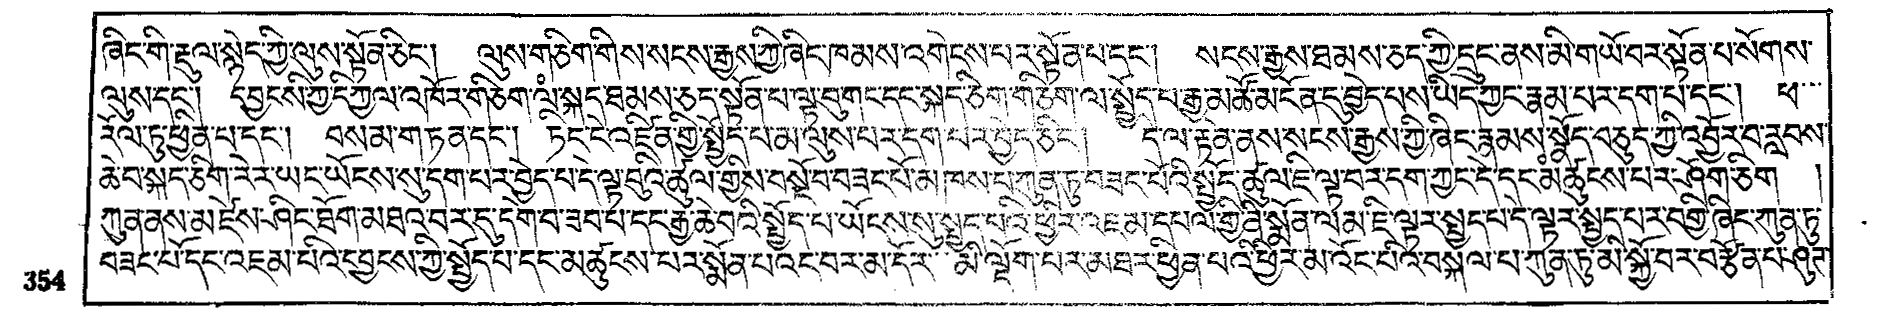ཞིང་གི་རྡུལ་སྙེད་ཀྱི་ལུས་སྟོན་ཅིང་། ལུས་གཅིག་གིས་སངས་རྒྱས་ཀྱི་ཞིང་ཁམས་འགེངས་པར་སྟོན་པ་དང་། སངས་རྒྱས་ཐམས་ཅད་ཀྱི་དྲུང་ནས་མི་གཡོ་བར་སྟོན་པ་སོགས་
ལུས་དང་། དབྱངས་ཀྱི་དཀྱིལ་འཁོར་གཅིག་ལཾ་སྐད་ཐམས་ཅད་སྟོན་པ་ལྟ་བུ་གང་དང་སྐད་ཅིག་གཅིག་ལ་སྤྱོད་པ་རྒྱ་མཚོ་མངོན་དུ་བྱེད་པས་ཡིད་ཀྱང་རྣམ་པར་དག་པ་དང་། ཕ་
རོལ་ཏུ་ཕྱིན་པ་དང་། བསམ་གཏན་དང་། ཏིང་ངེ་འཛིན་གྱི་སྤྱོད་པ་མ་ལུས་པར་དག་པར་བྱེད་ཅིང་། དེ་ལ་རྟེན་ནས་སངས་རྒྱས་ཀྱི་ཞིང་རྣམས་སྣོད་བཅུད་ཀྱི་འབྱོར་བ་རླབས་
ཆེ་བ་སྐད་ཅིག་རེར་ཡང་ཡོངས་སུ་དག་པར་བྱེད་པ་དེ་ལྟ་བུའི་ཚུལ་གྱིས་བསྔོ་བ་བཟང་པོ་མཁས་པ་ཀུན་ཏུ་བཟང་པོའི་སྤྱོད་ཚུལ་ཇི་ལྟ་བར་དག་ཀྱང་དེ་དང་མཚུངས་པར་ཤོག་ཅིག །
ཀུན་ནས་མཛེས་ཤིང་ཐོག་མཐའ་བར་དུ་དགེ་བ་ཟབ་པ་དང་རྒྱ་ཆེ་བའི་སྤྱོད་པ་ཡོངས་སུ་སྤྱད་པའི་ཕྱིར་འཇམ་དཔལ་གྱི་ནི་སྨོན་ལམ་ཇི་ལྟར་སྤྱད་པ་དེ་ལྟར་སྤྱད་པར་བགྱི་ཞིང་ཀུན་ཏུ་
བཟང་པོ་དང་འཇམ་པའི་དབྱངས་ཀྱི་སྤྱོད་པ་དང་མཚུངས་པར་སྨོན་པའང་བར་མ་དོར་མི་ལྡོག་པར་མཐར་ཕྱིན་པའི་ཕྱིར་མ་འོང་པའི་བསྐལ་པ་ཀུན་ཏུ་མི་སྐྱོ་བར་བརྩོན་པ་ཤུགས་